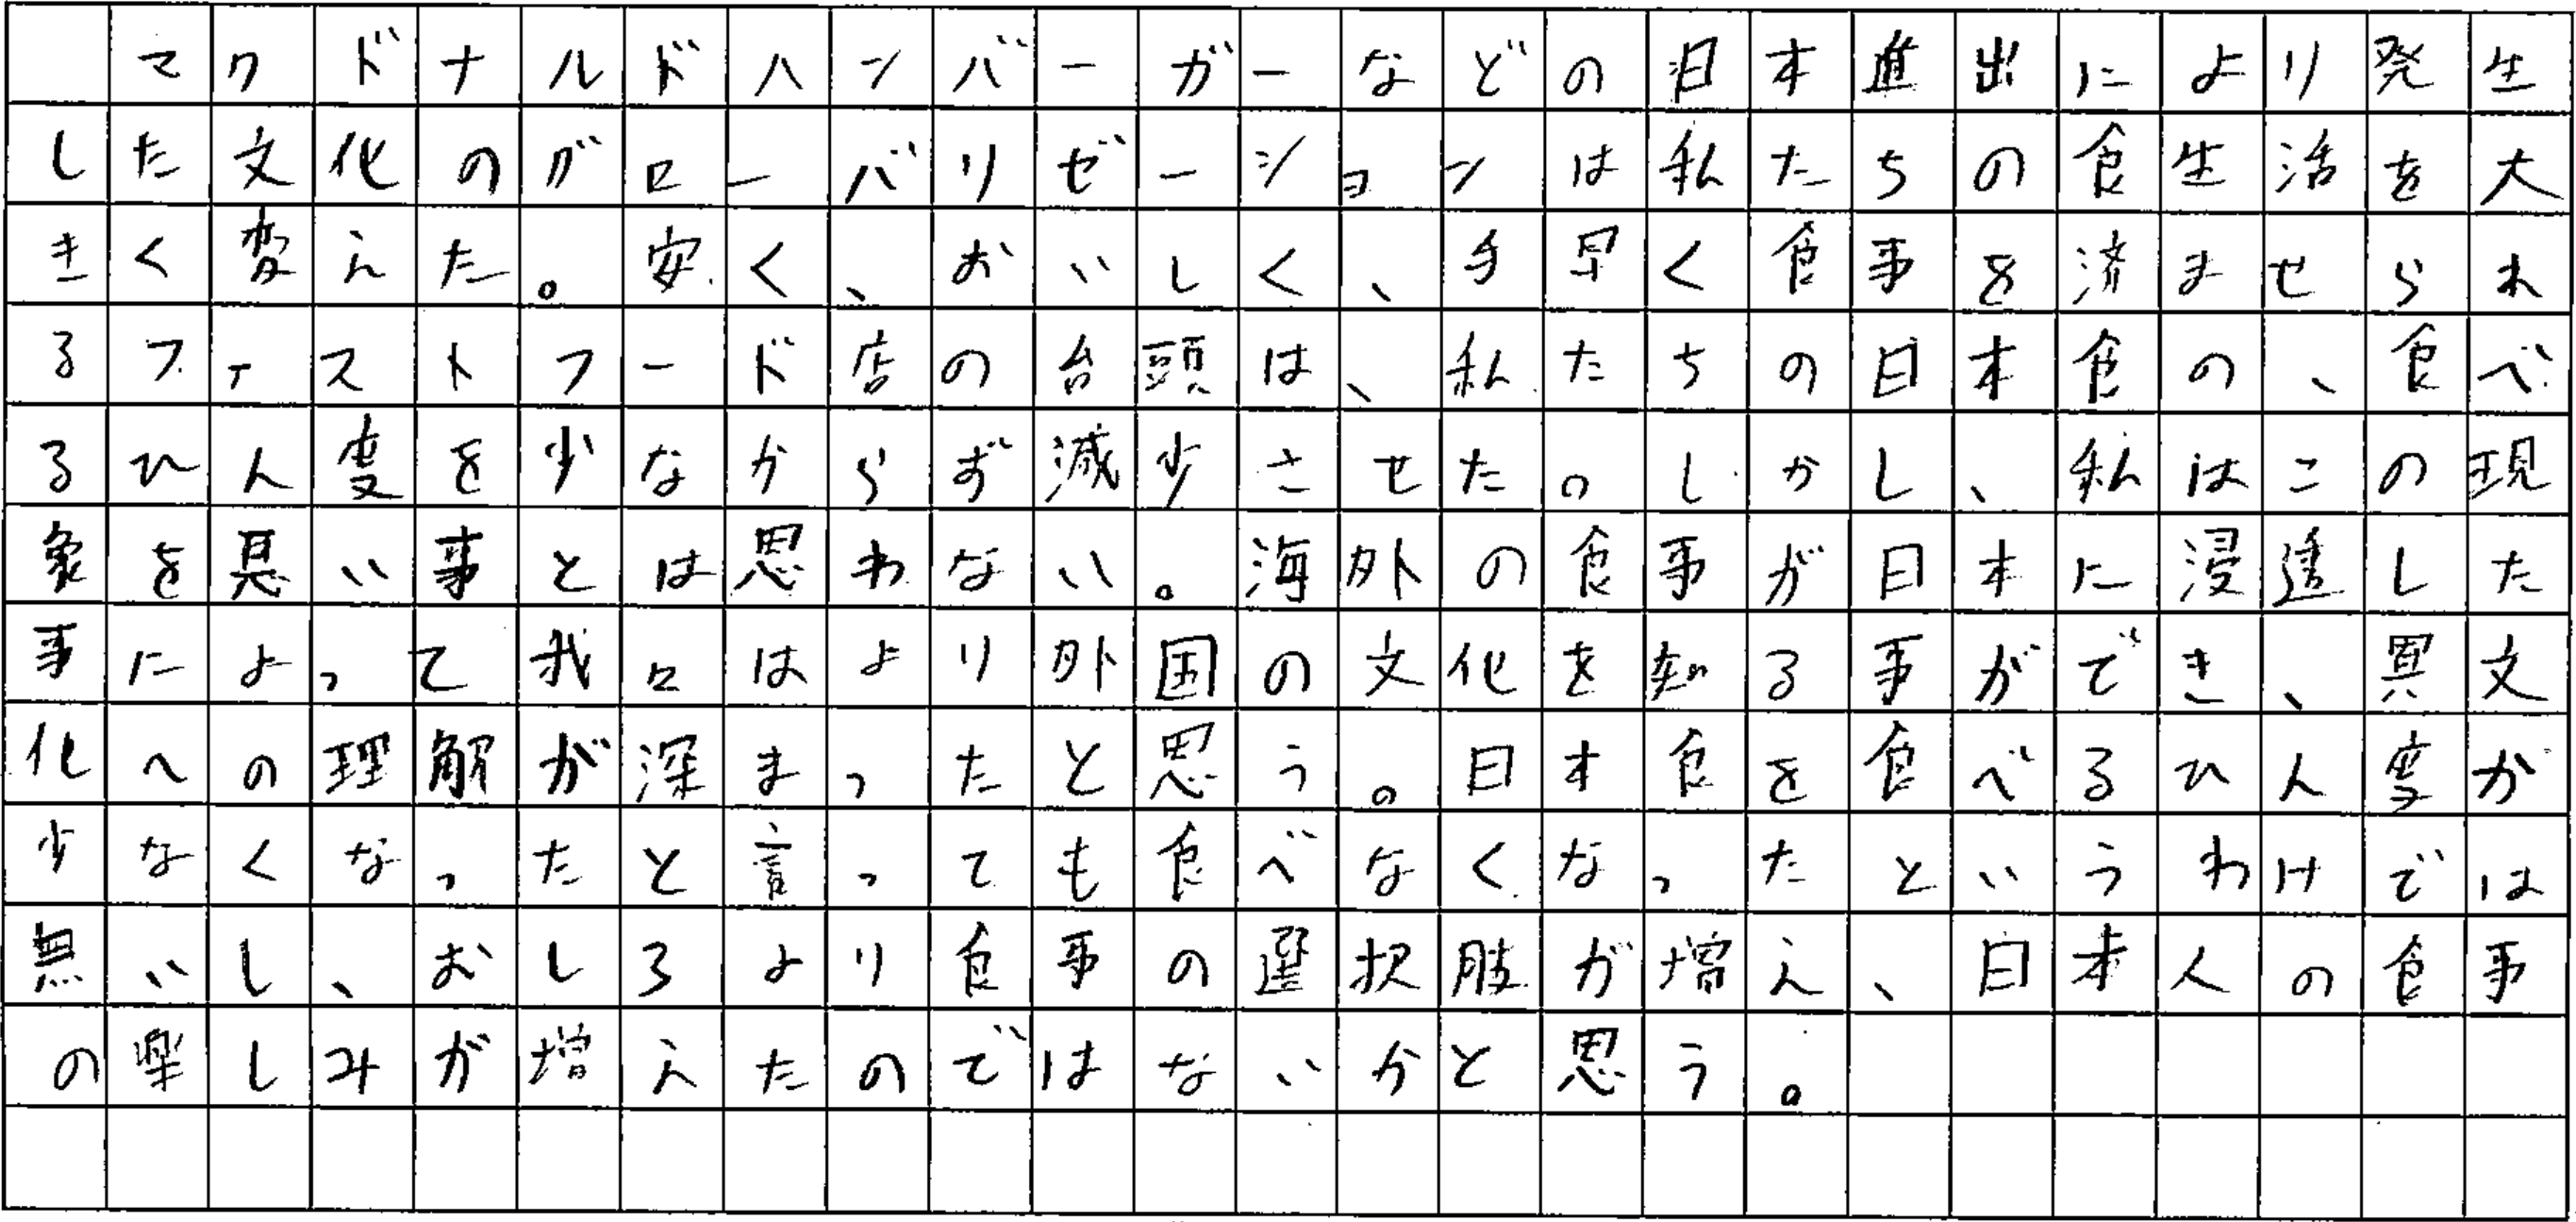　マクドナルドハンバーガーなどの日本進出により発生した文化のグローバリゼーションは私たちの食生活を大きく変えた。安く、おいしく、手早く食事を済ませられるファストフード店の台頭は、私たちの日本食の、食べるひん度を少なからず減少させた。しかし、私はこの現象を悪い事とは思わない。海外の食事が日本に浸透した事によって我々はより外国の文化を知る事ができ、異文化への理解が深まったと思う。日本食を食べるひん度が少なくなったと言っても食べなくなったというわけでは無いし、むしろより食事の選択肢が増え、日本人の食事の楽しみが増えたのではないかと思う。
